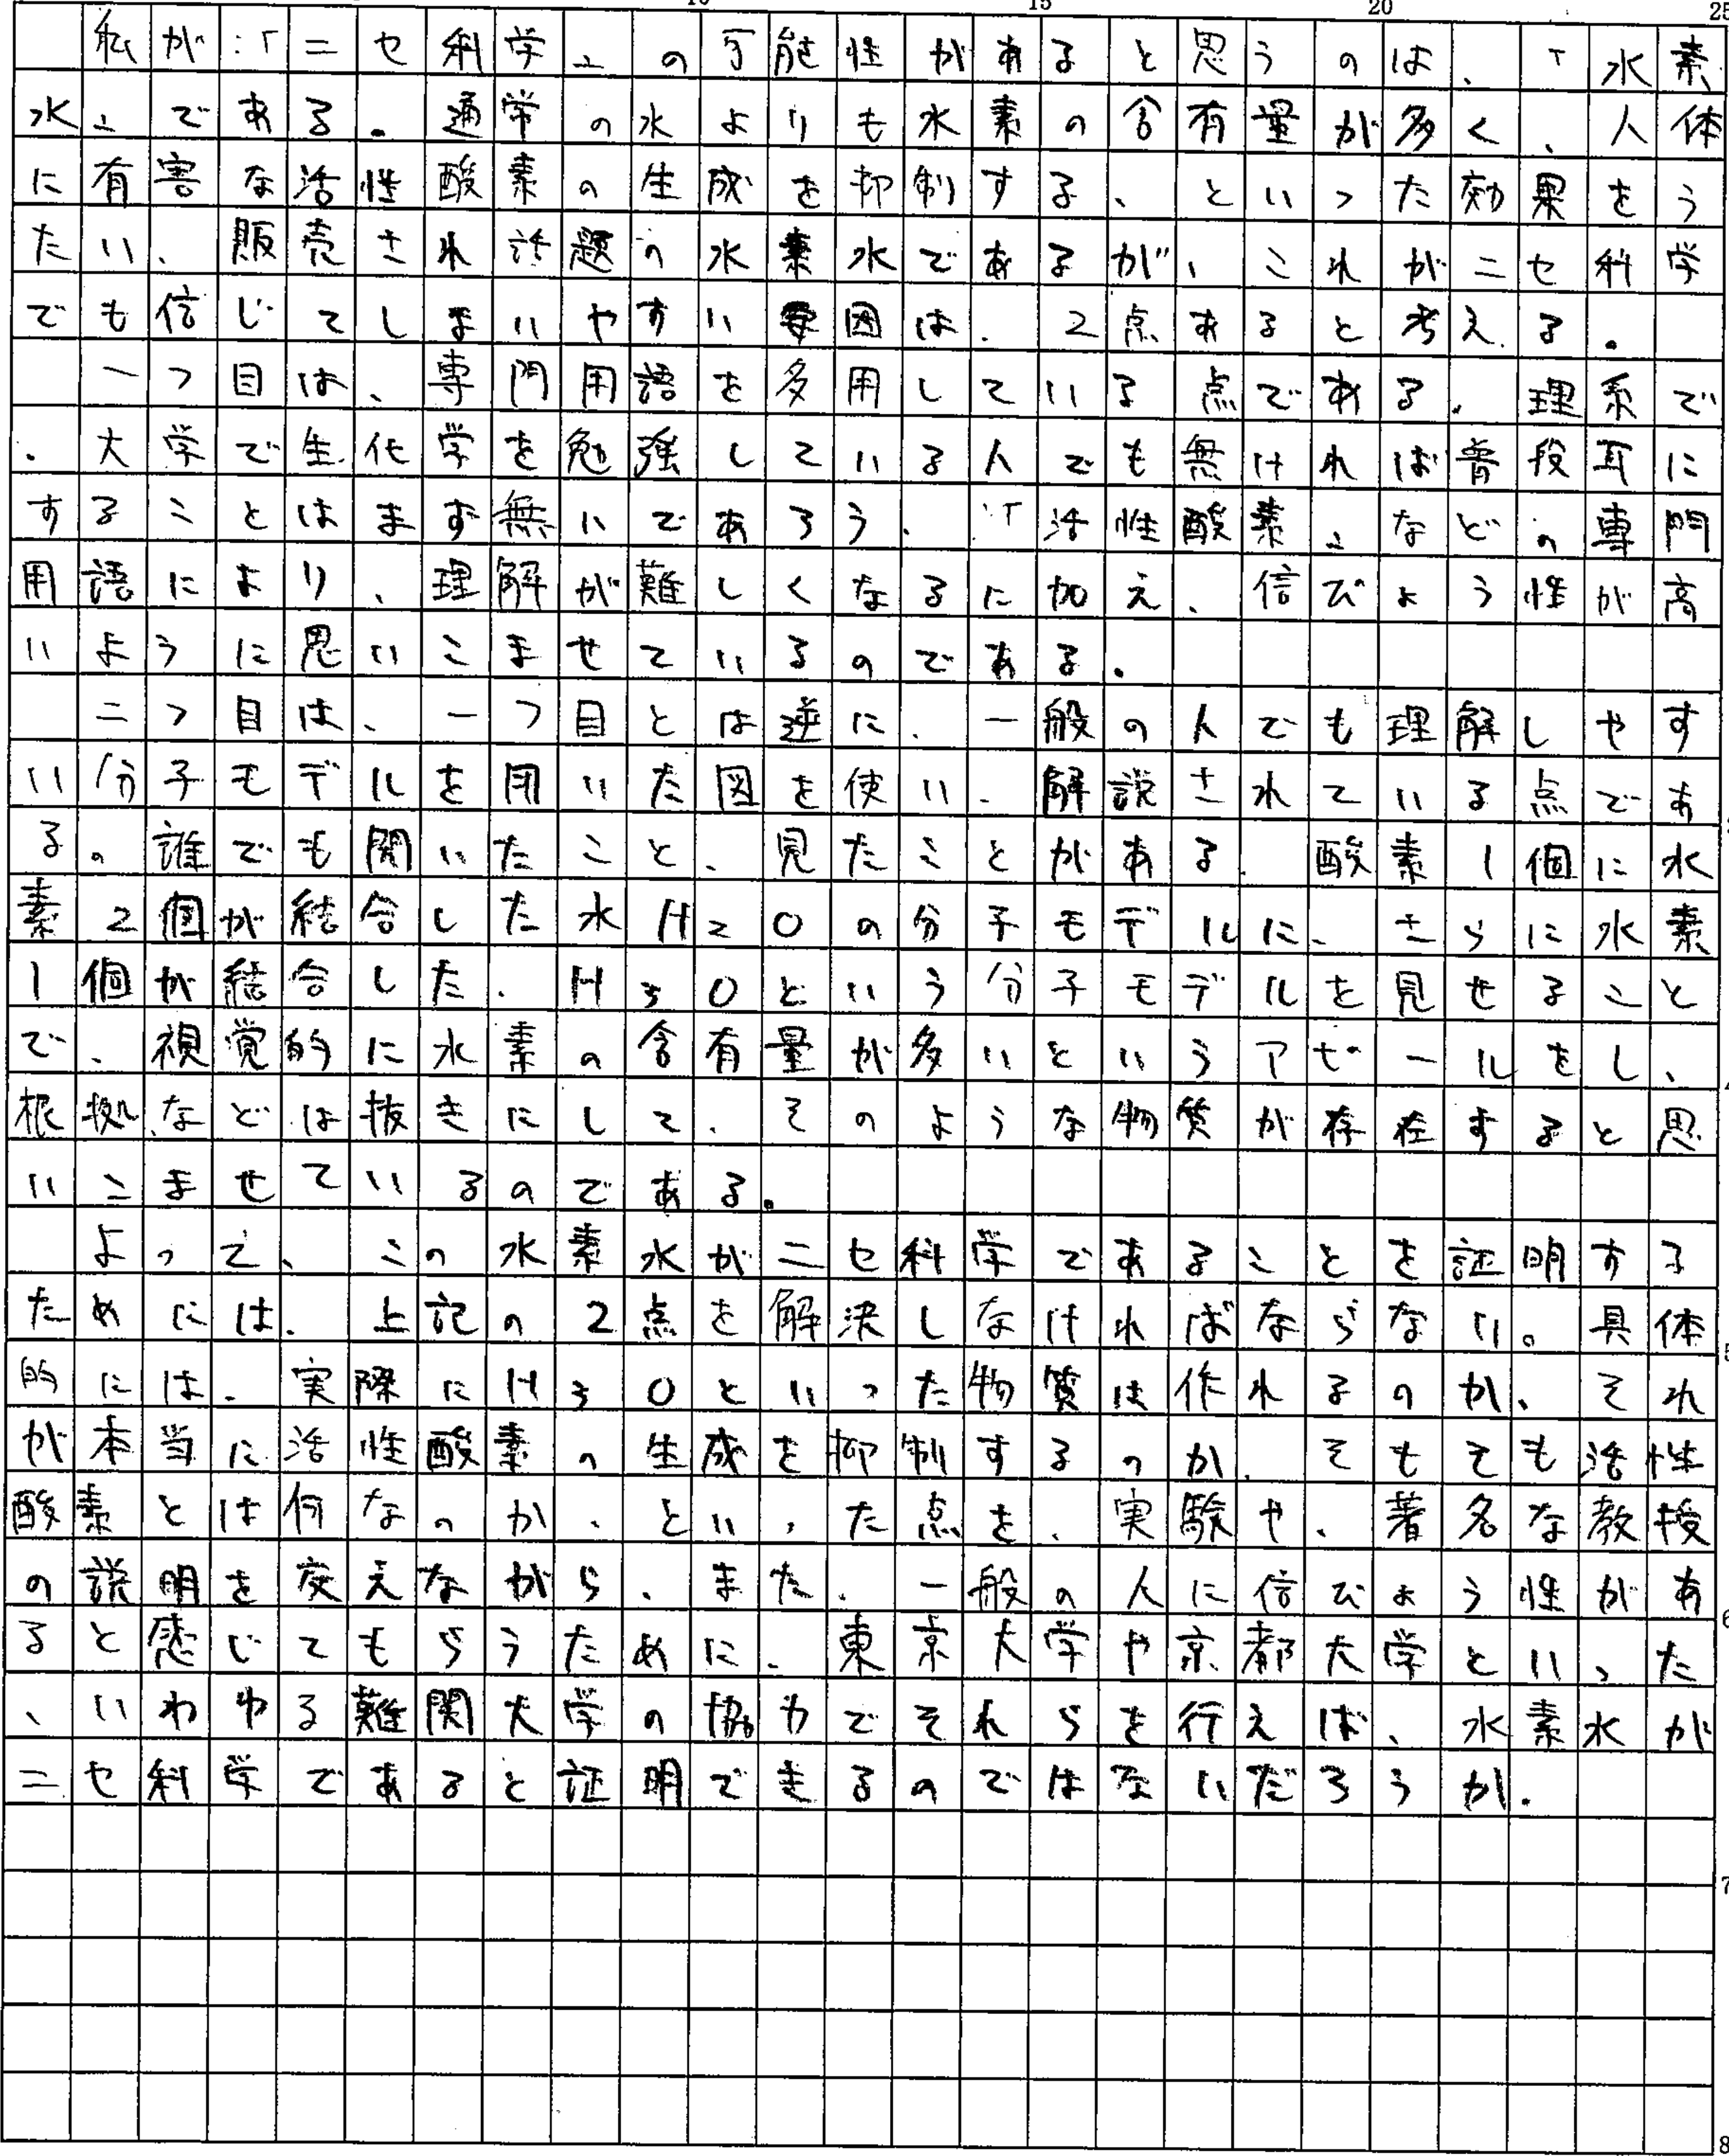　私が「ニセ科学」の可能性があると思うのは、「水素水」である。通常の水よりも水素の含有量が多く、人体に有害な活性酸素の生成を抑制する、といった効果をうたい、販売され話題の水素水であるが、これがニセ科学でも信じてしまいやすい要因は、２点あると考える。
　一つ目は、専門用語を多用している点である。理系で、大学で生化学を勉強している人でも無ければ普段耳にすることはまず無いであろう、「活性酸素」などの専門用語により、理解が難しくなるに加え、信ぴょう性が高いように思いこませているのである。
　二つ目は、一つ目とは逆に、一般の人でも理解しやすい分子モデルを用いた図を使い、解説されている点である。誰でも聞いたこと、見たことがある、酸素１個に水素２個が結合した水Ｈ２Ｏの分子モデルに、さらに水素１個が結合した、Ｈ３Ｏという分子モデルを見せることで、視覚的に水素の含有量が多いというアピールをし、根拠などは抜きにして、そのような物質が存在すると思いこませているのである。
　よって、この水素水がニセ科学であることを証明するためには、上記の２点を解決しなければならない。具体的には、実際にＨ３Ｏといった物質は作れるのか、それが本当に活性酸素の生成を抑制するのか、そもそも活性酸素とは何なのか、といった点を、実験や、著名な教授の説明を交えながら、また、一般の人に信ぴょう性があると感じてもらうために、東京大学や京都大学といった、いわゆる難関大学の協力でそれらを行えば、水素水がニセ科学であると証明できるのではないだろうか。
